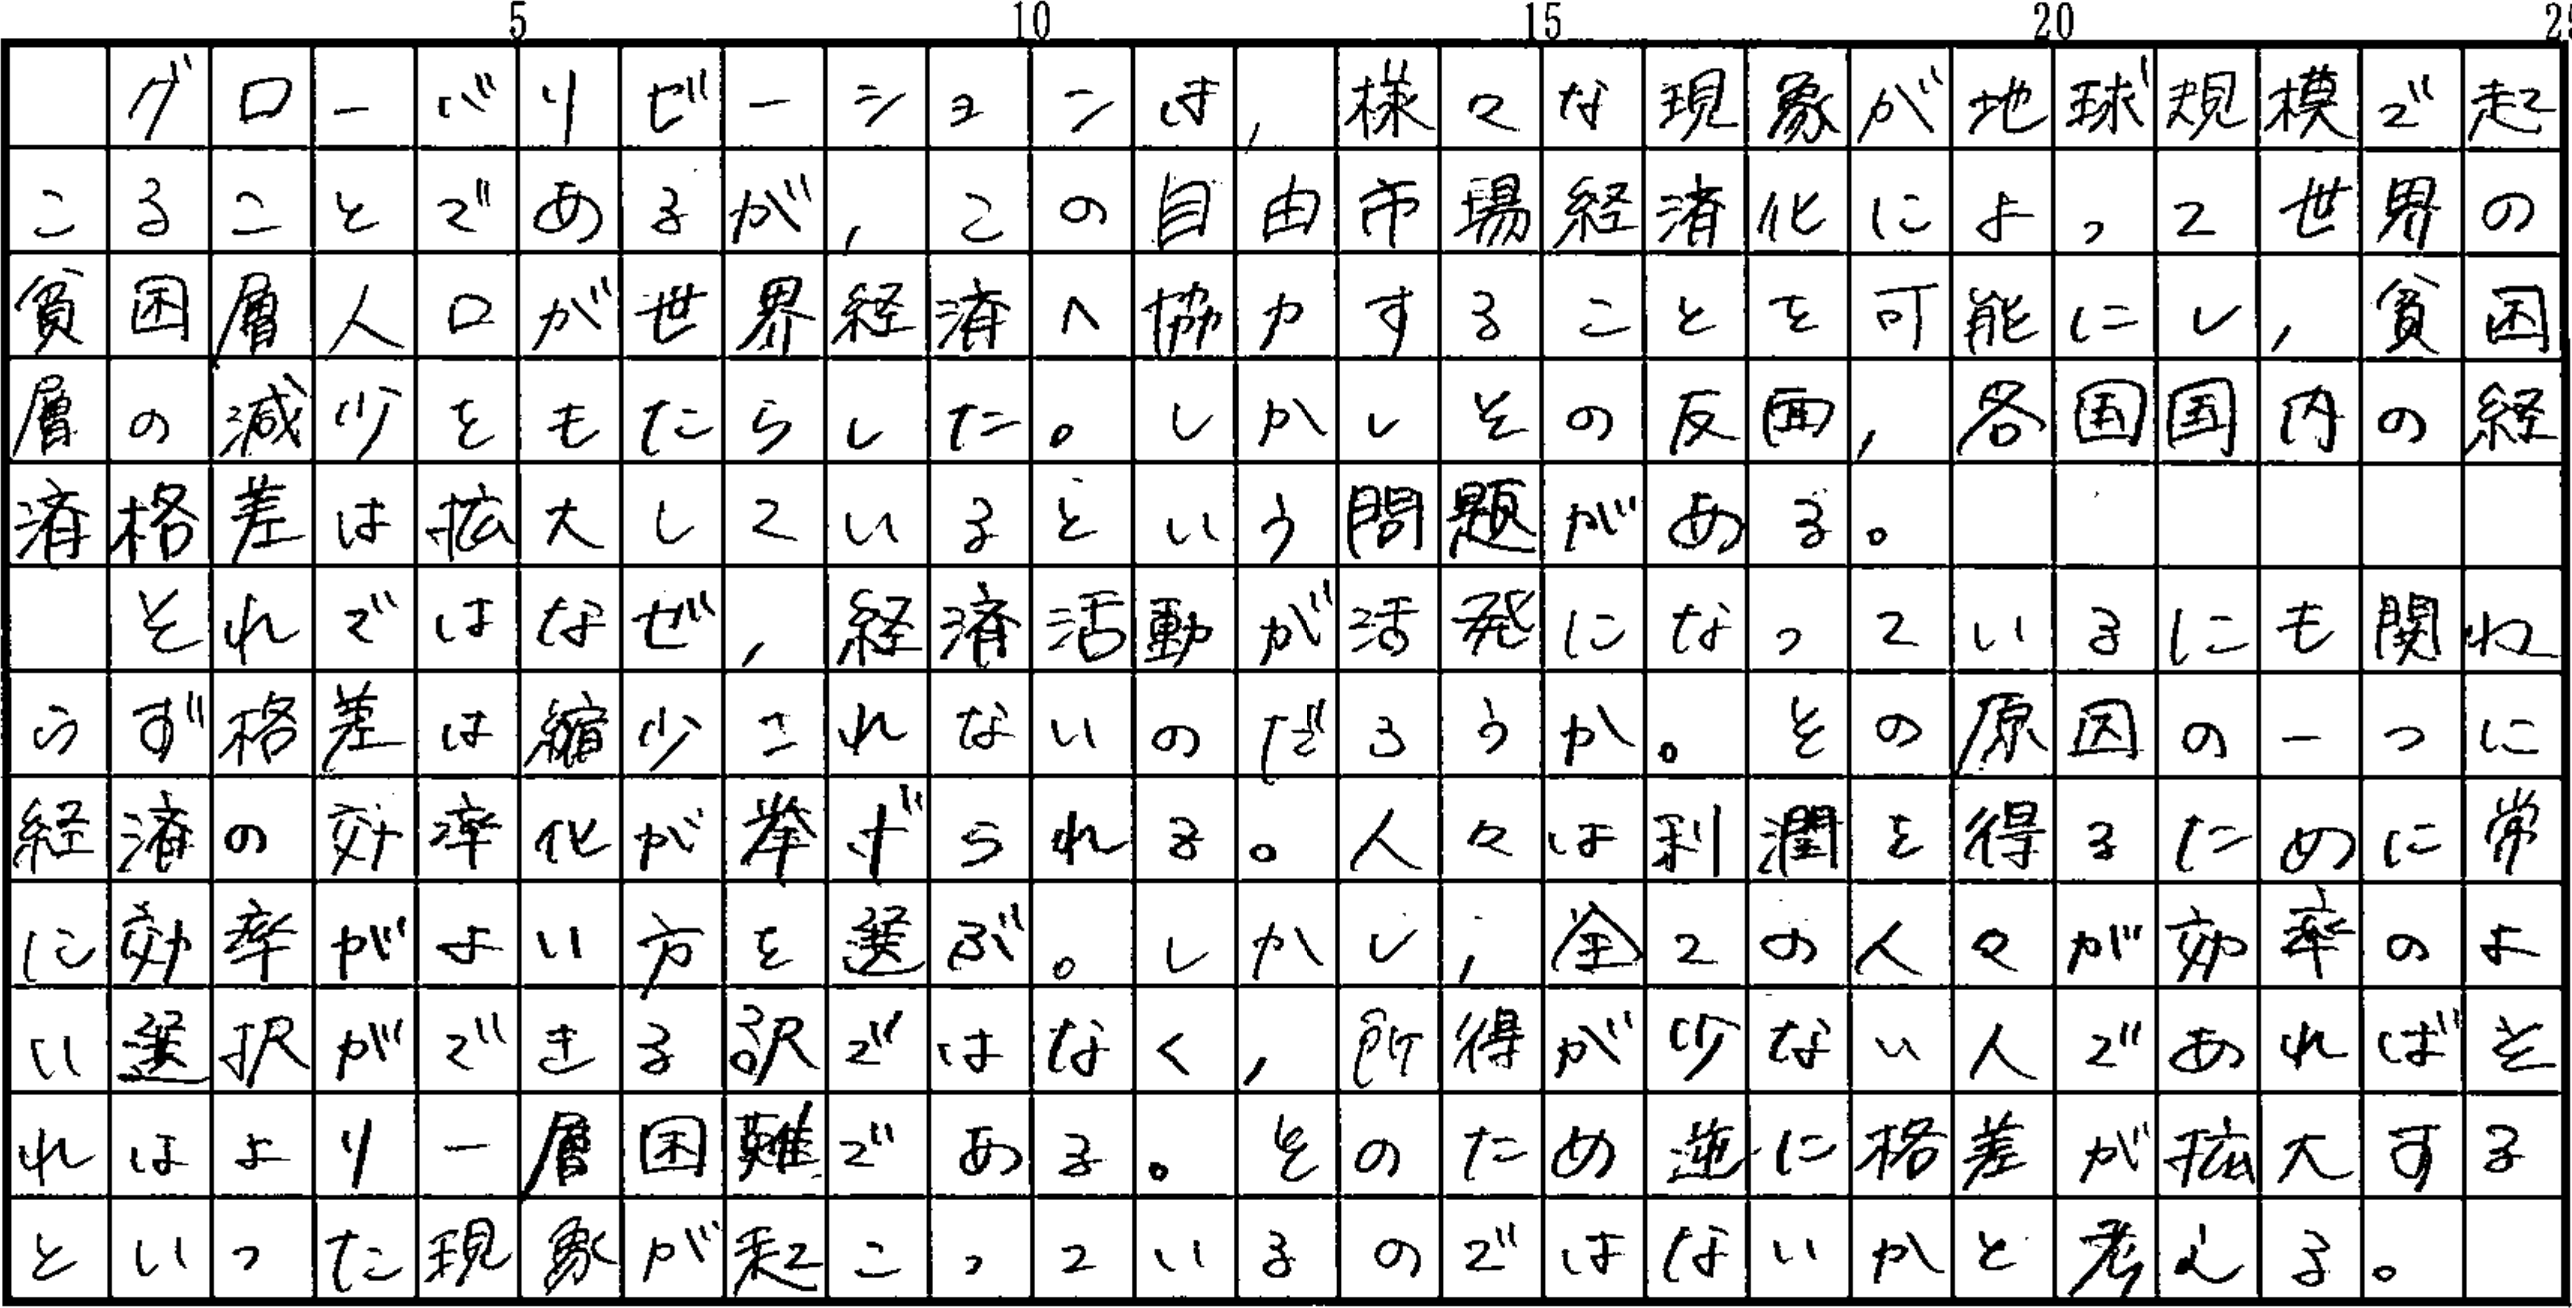　グローバリゼーションは、様々な現象が地球規模で起こることであるが、この自由市場経済化によって世界の貧困層人口が世界経済へ協力することを可能にし、貧困層の減少をもたらした。しかしその反面、各国国内の経済格差は拡大しているという問題がある。
　それではなぜ、経済活動が活発になっているにも関わらず格差は縮少されないのだろうか。その原因の一つに経済の効率化が挙げられる。人々は利潤を得るために常に効率がよい方を選ぶ。しかし、全ての人々が効率のよい選択ができる訳ではなく、所得が少ない人であればそれはより一層困難である。そのため逆に格差が拡大するといった現象が起こっているのではないかと考える。
